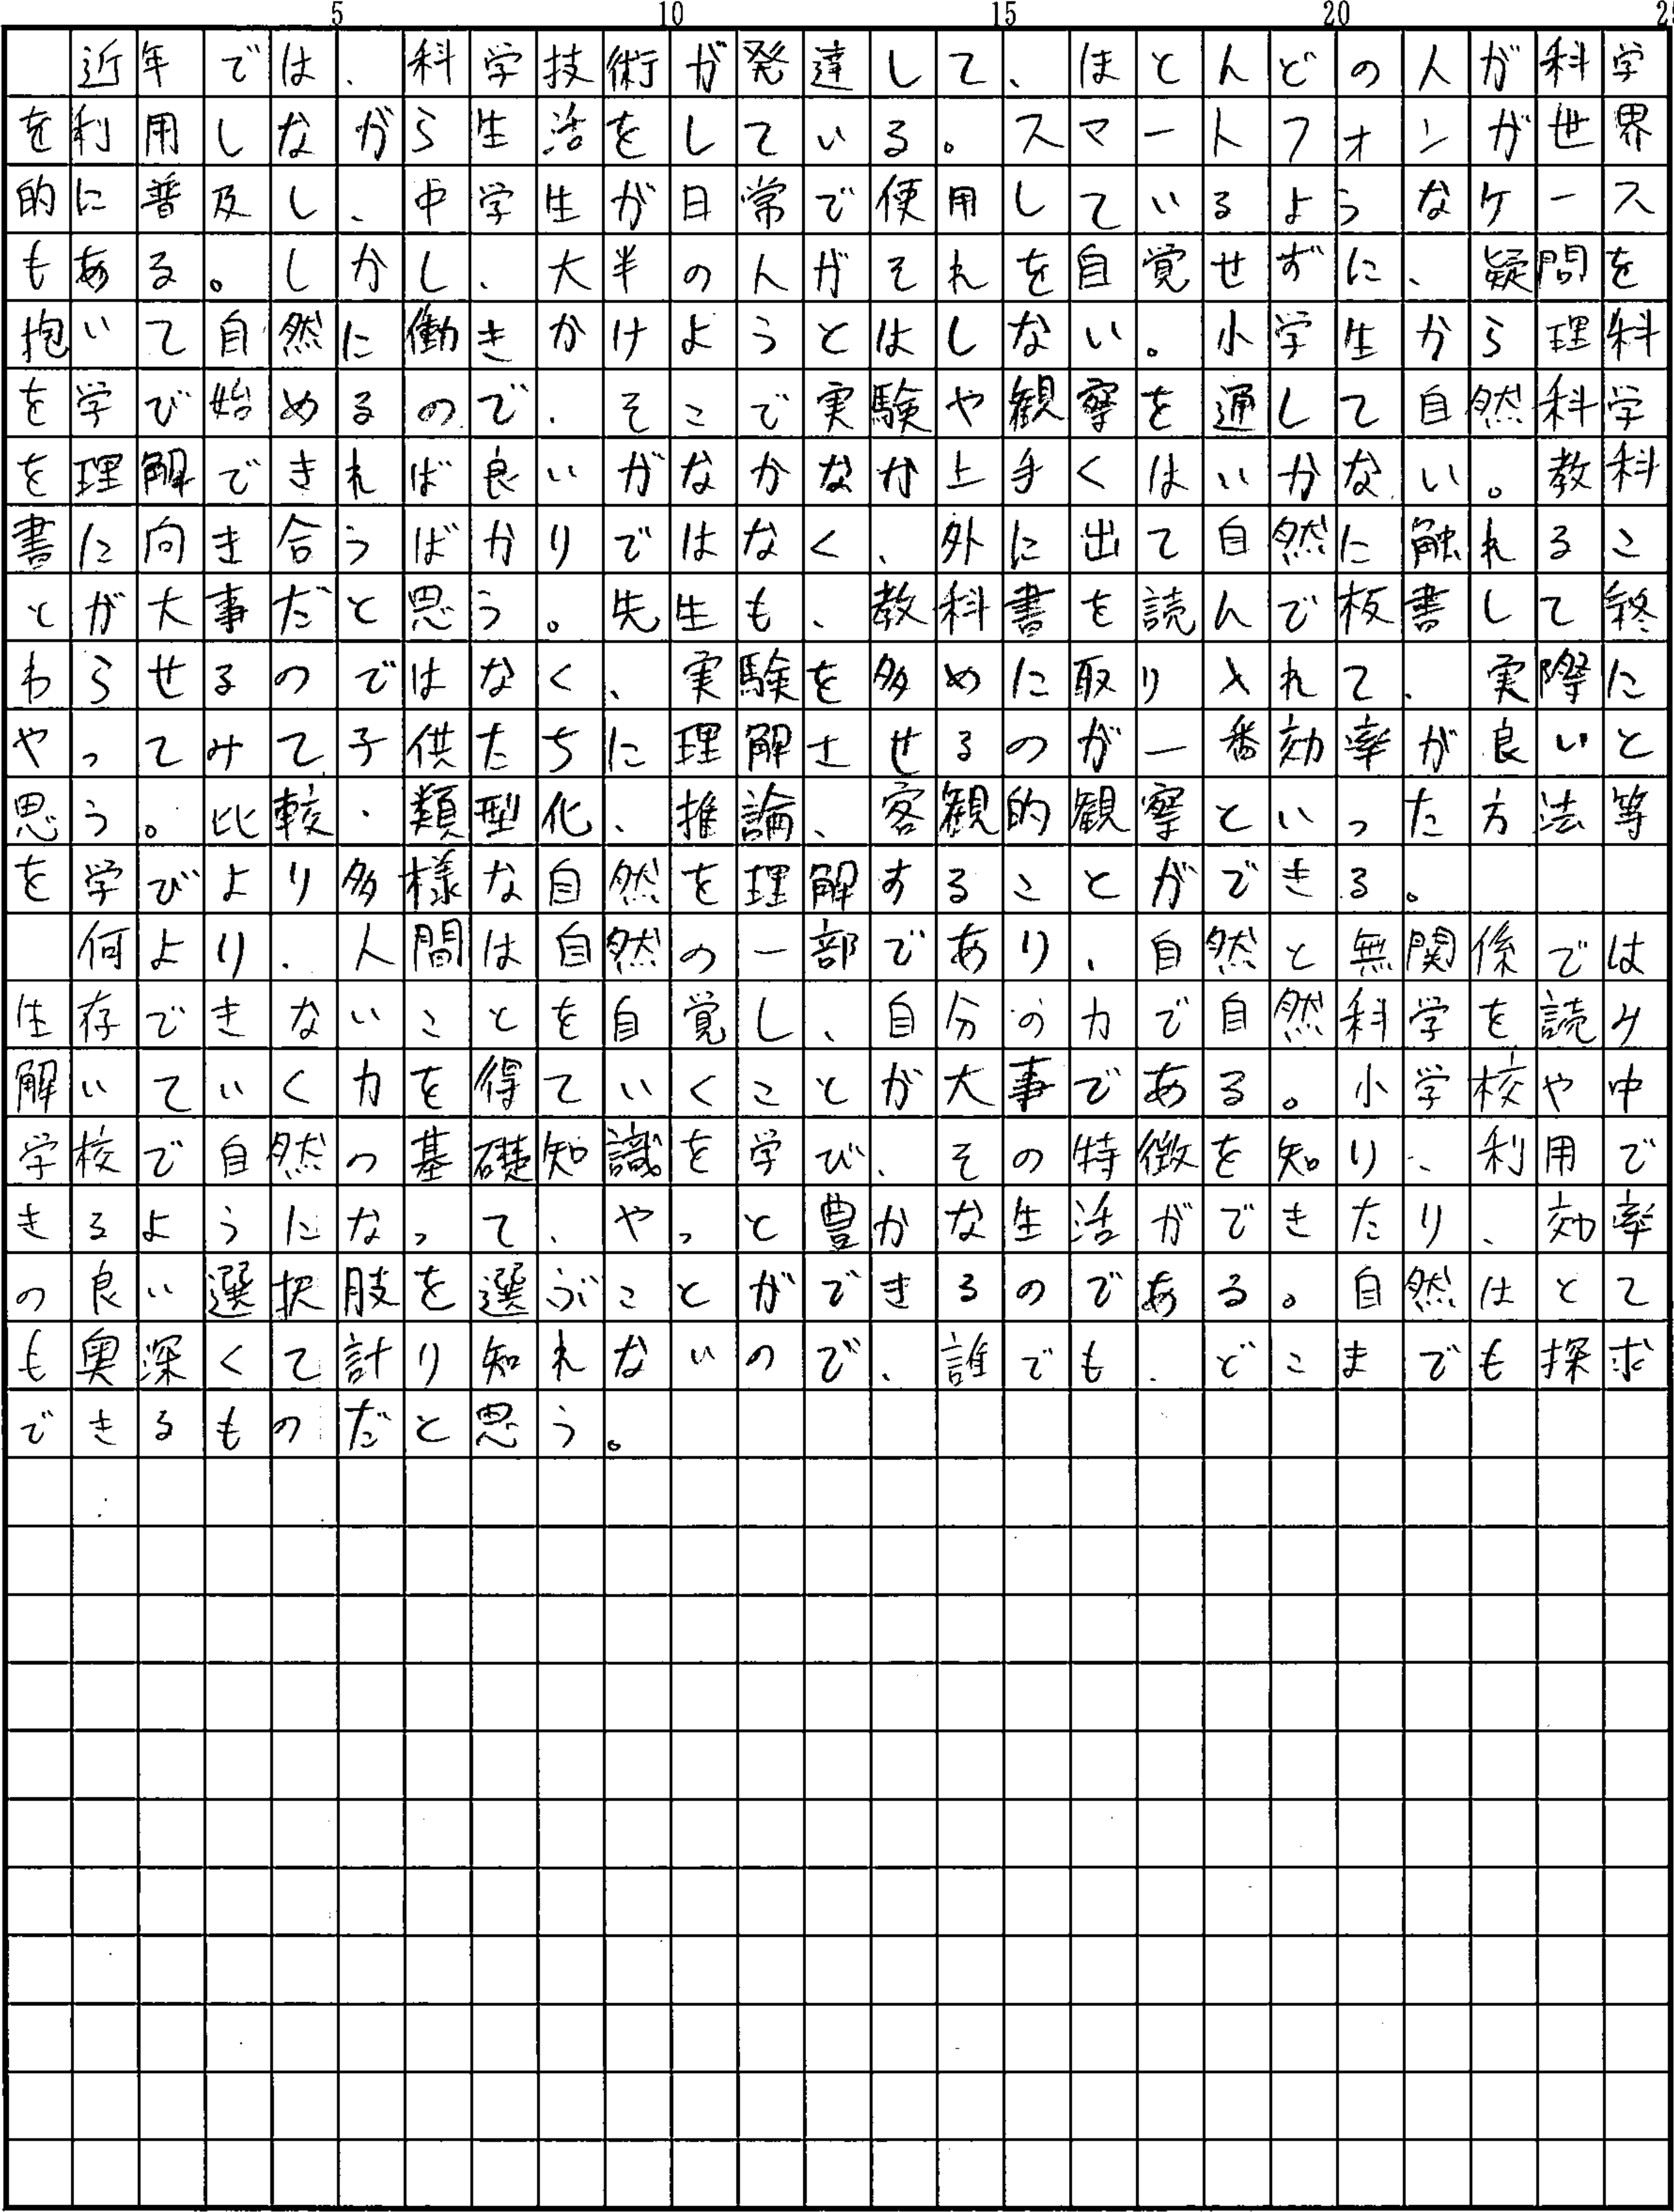　近年では、科学技術が発達して、ほとんどの人が科学を利用しながら生活をしている。スマートフォンが世界的に普及し、中学生が日常で使用しているようなケースもある。しかし、大半の人がそれを自覚せずに、疑問を抱いて自然に働きかけようとはしない。小学生から理科を学び始めるので、そこで実験や観察を通して自然科学を理解できれば良いがなかなか上手くはいかない。教科書に向き合うばかりではなく、外に出て自然に触れることが大事だと思う。先生も、教科書を読んで板書して終わらせるのではなく、実験を多めに取り入れて、実際にやってみて子供たちに理解させるのが一番効率が良いと思う。比較・類型化、推論、客観的観察といった方法等を学びより多様な自然を理解することができる。
　何より、人間は自然の一部であり、自然と無関係では生存できないことを自覚し、自分の力で自然科学を読み解いていく力を得ていくことが大事である。小学校や中学校で自然の基礎知識を学び、その特徴を知り、利用できるようになって、やっと豊かな生活ができたり、効率の良い選択肢を選ぶことができるのである。自然はとても奥深くて計り知れないので、誰でも、どこまでも探求できるものだと思う。
